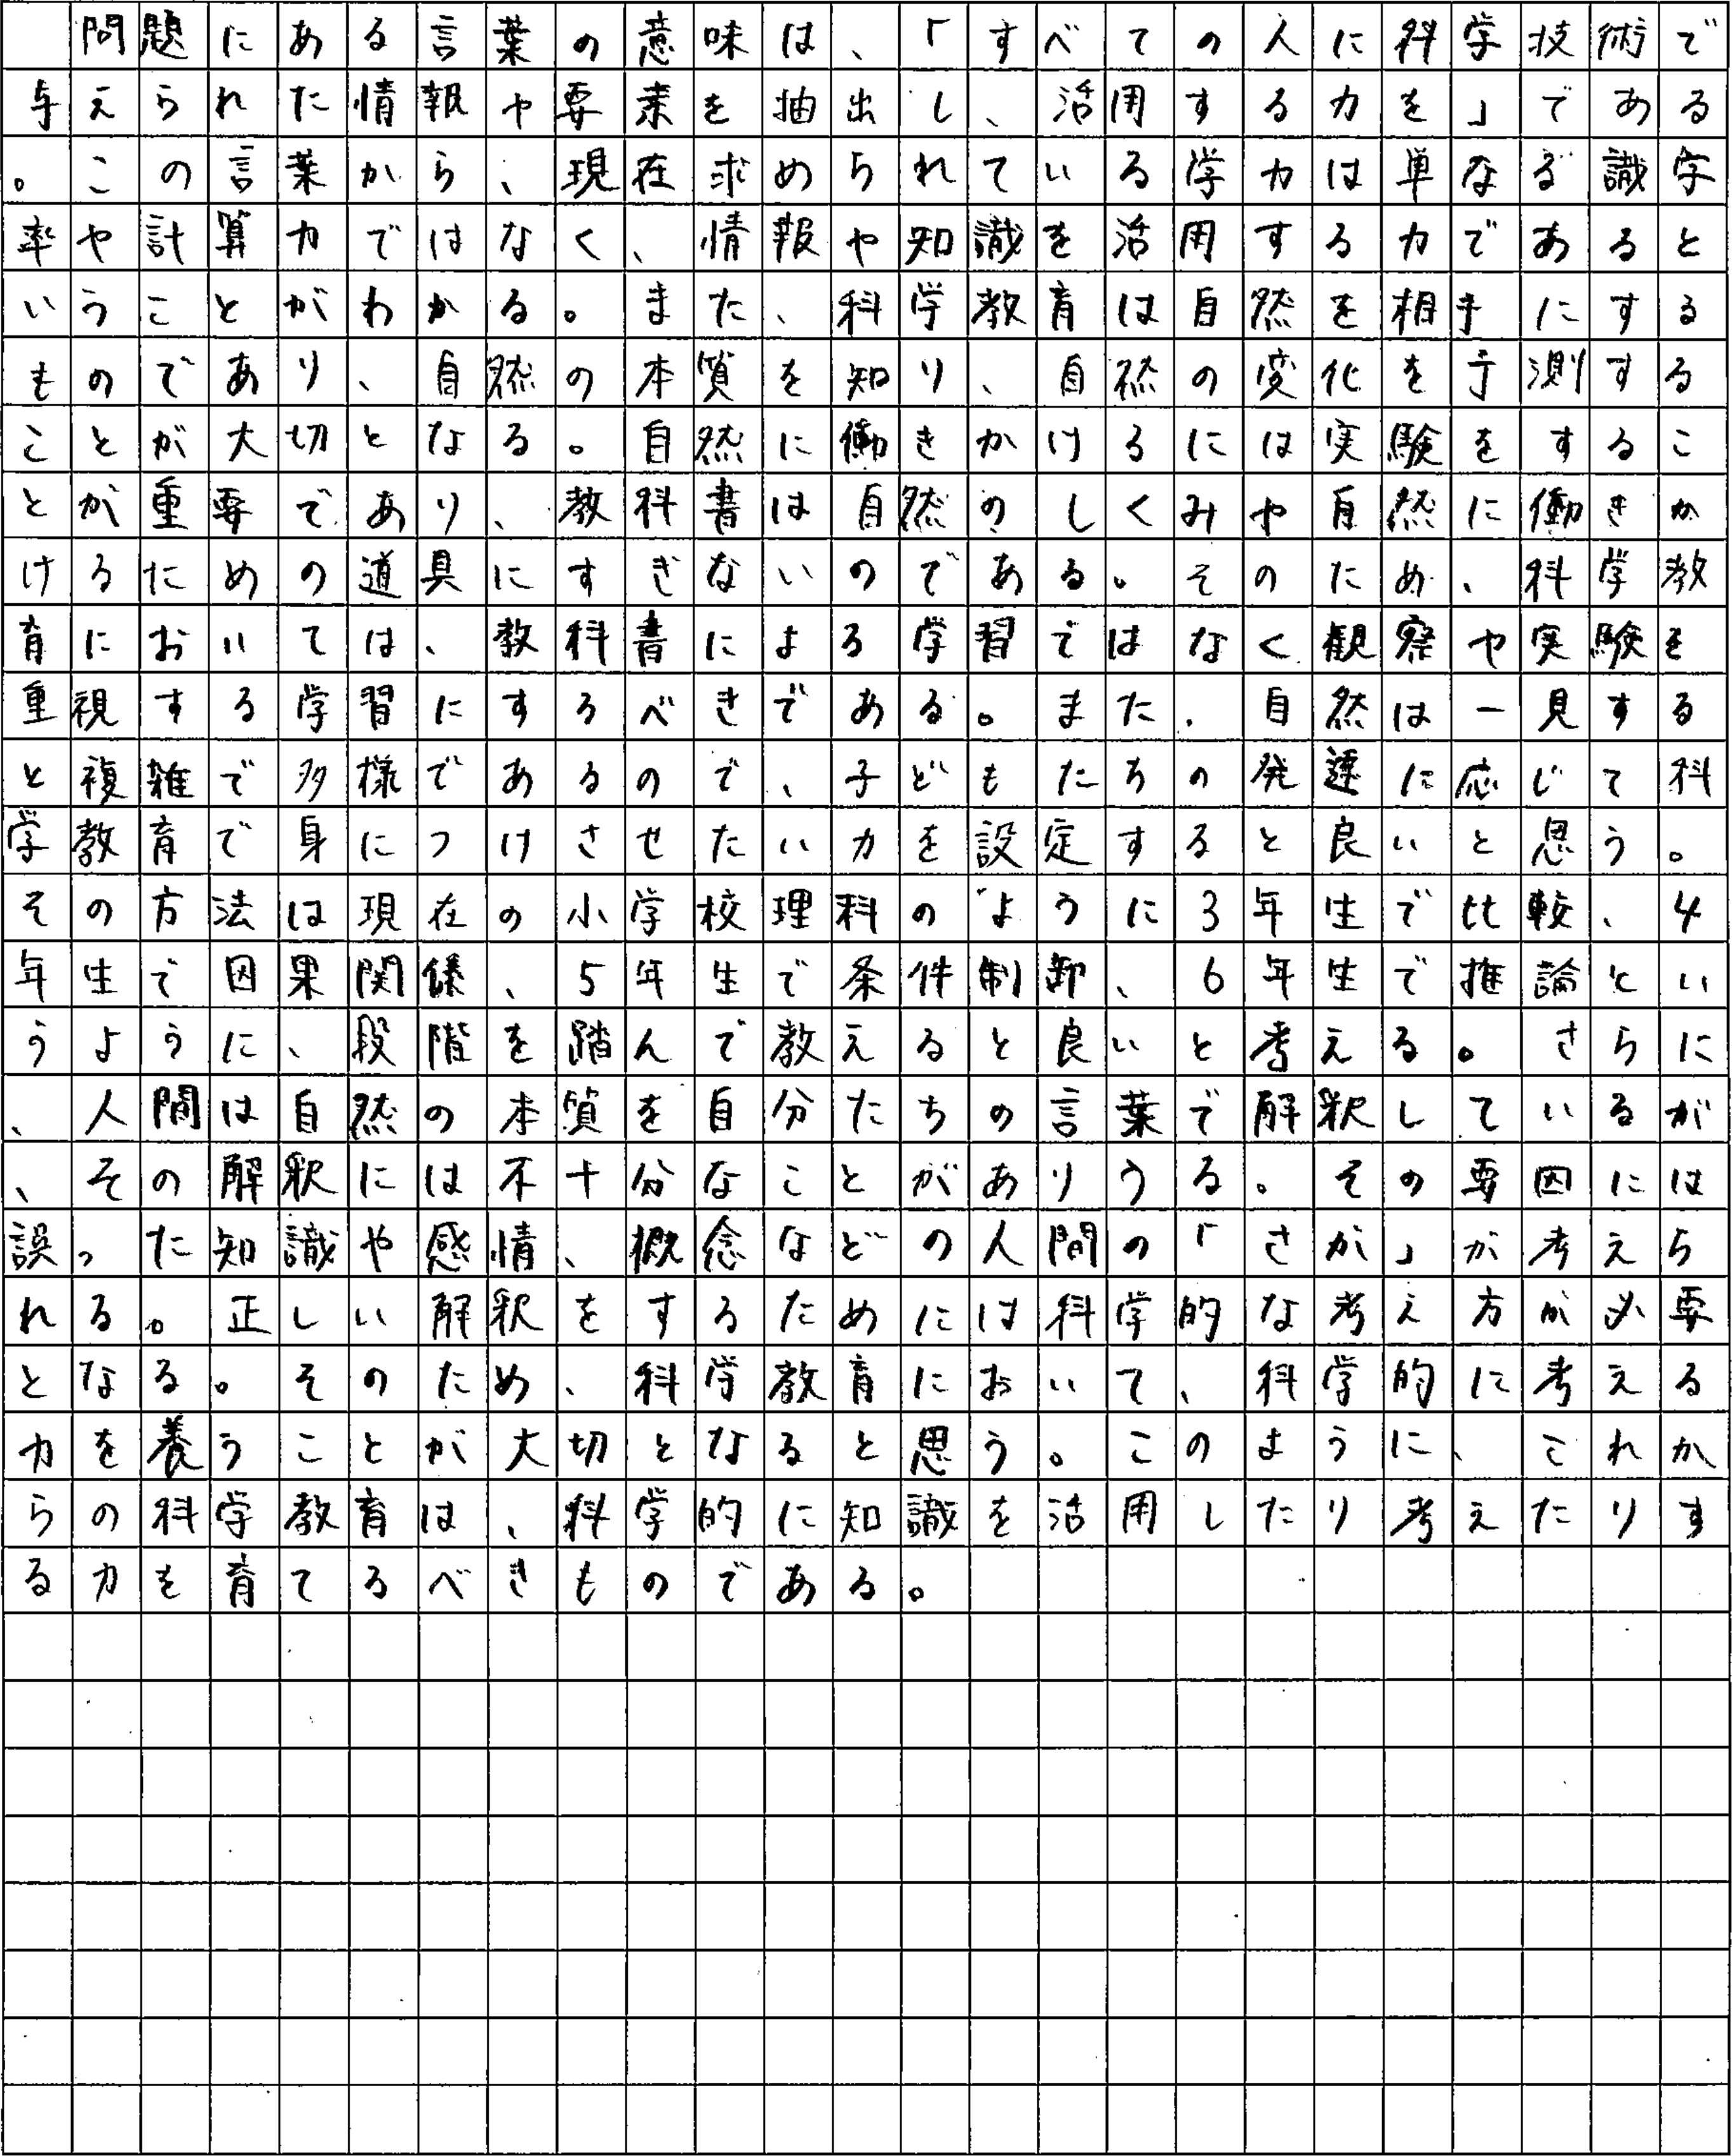　問題にある言葉の意味は、「すべての人に科学技術で与えられた情報や要素を抽出し、活用する力を」である。この言葉から、現在求められている学力は単なる識字率や計算力ではなく、情報や知識を活用する力であるということがわかる。また、科学教育は自然を相手にするものであり、自然の本質を知り、自然の変化を予測することが大切となる。自然に働きかけるには実験をすることが重要であり、教科書は自然のしくみや自然に働きかけるための道具にすぎないのである。そのため、科学教育においては、教科書による学習ではなく観察や実験を重視する学習にするべきである。また、自然は一見すると複雑で多様であるので、子どもたちの発達に応じて科学教育で身につけさせたい力を設定すると良いと思う。その方法は現在の小学校理科のように３年生で比較、４年生で因果関係、５年生で条件制御、６年生で推論というように、段階を踏んで教えると良いと考える。さらに、人間は自然の本質を自分たちの言葉で解釈しているが、その解釈には不十分なことがありうる。その要因には誤った知識や感情、概念などの人間の「さが」が考えられる。正しい解釈をするためには科学的な考え方が必要となる。そのため、科学教育において、科学的に考える力を養うことが大切となると思う。このように、これからの科学教育は、科学的に知識を活用したり考えたりする力を育てるべきものである。
